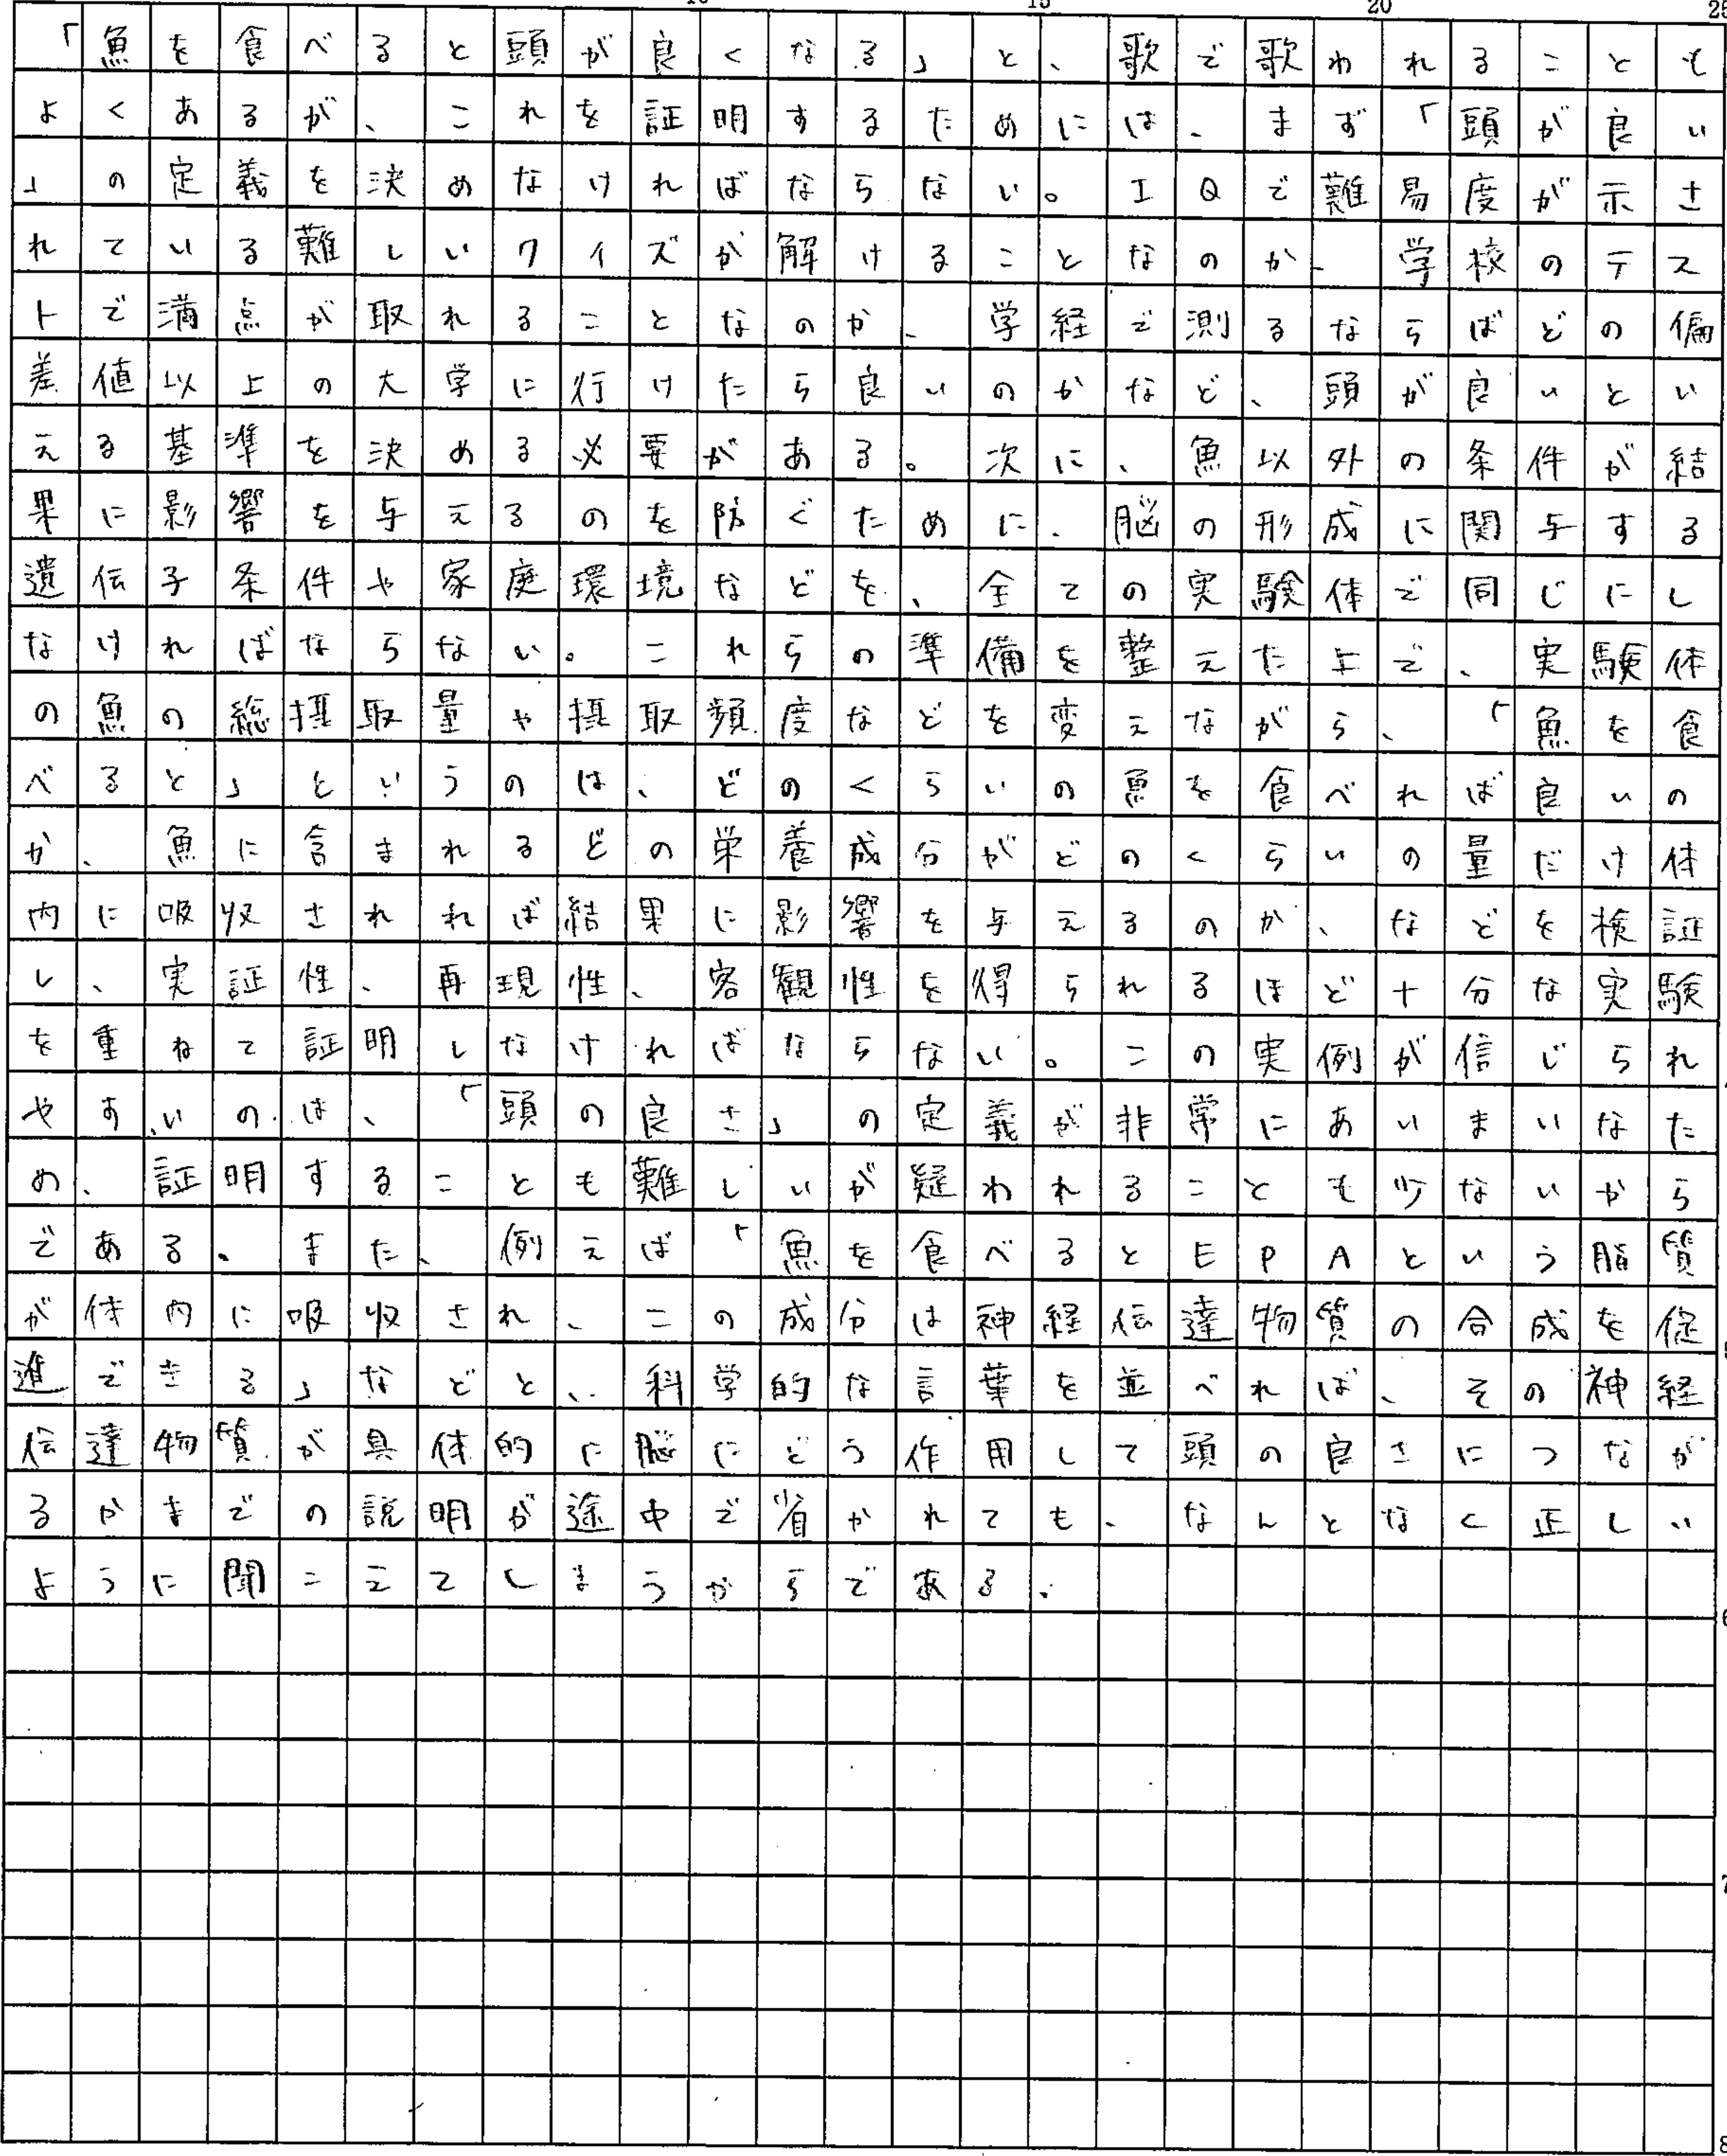「魚を食べると頭が良くなる」と、歌で歌われることもよくあるが、これを証明するためには、まず「頭が良い」の定義を決めなければならない。ＩＱで難易度が示されている難しいクイズが解けることなのか、学校のテストで満点が取れることなのか、学経で測るならばどの偏差値以上の大学に行けたら良いのかなど、頭が良いといえる基準を決める必要がある。次に、魚以外の条件が結果に影響を与えるのを防ぐために、脳の形成に関与する遺伝子条件や家庭環境などを、全ての実験体で同じにしなければならない。これらの準備を整えた上で、実験体の魚の総摂取量や摂取頻度などを変えながら、「魚を食べると」というのは、どのくらいの魚を食べれば良いのか、魚に含まれるどの栄養成分がどのくらいの量だけ体内に吸収されれば結果に影響を与えるのか、などを検証し、実証性、再現性、客観性を得られるほど十分な実験を重ねて証明しなければならない。この実例が信じられやすいのは、「頭の良さ」の定義が非常にあいまいなため、証明することも難しいが疑われることも少ないからである。また、例えば「魚を食べるとＥＰＡという脂質が体内に吸収され、この成分は神経伝達物質の合成を促進できる」などと、科学的な言葉を並べれば、その神経伝達物質が具体的に脳にどう作用して頭の良さにつながるかまでの説明が途中で省かれても、なんとなく正しいように聞こえてしまうからである。
